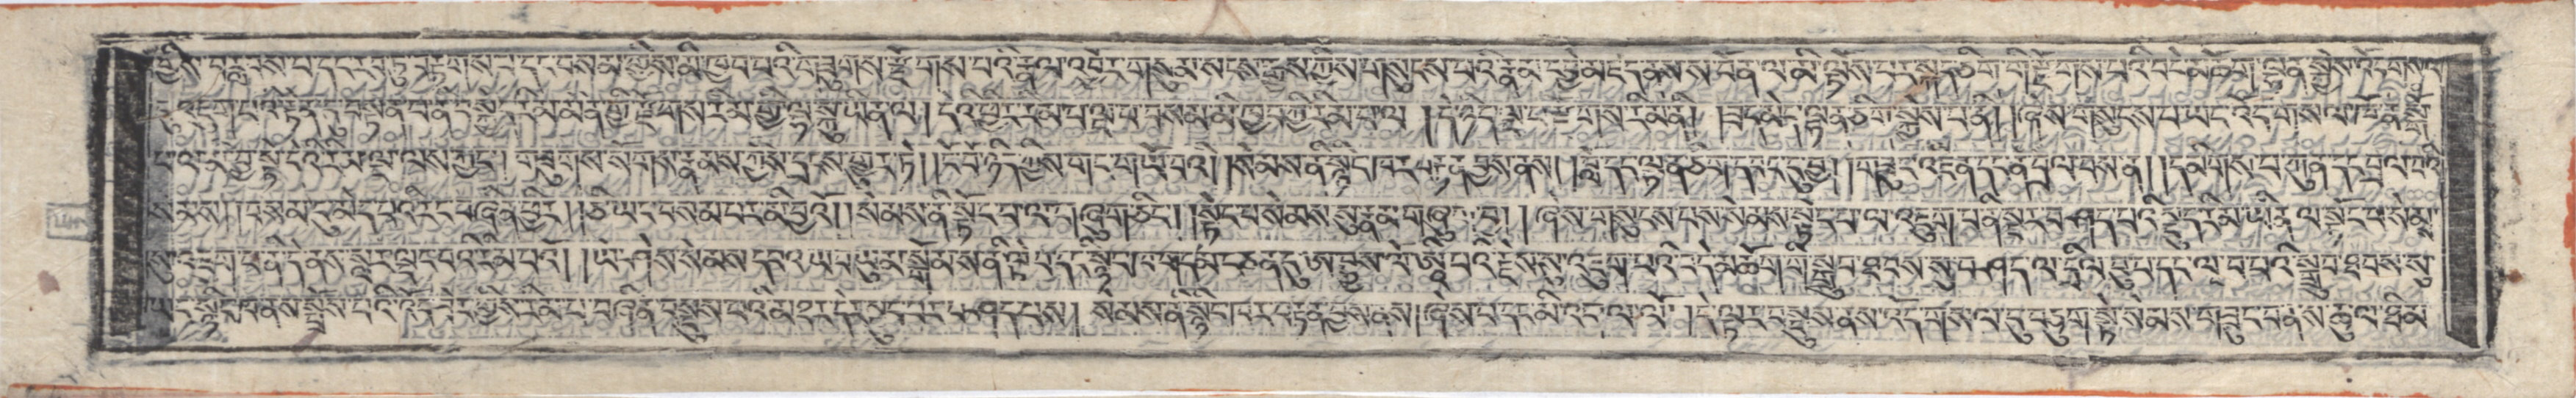གྱིས་བརླབས་པ་དང་རབ་ཏུ་བརྟགས་པ་དང་བསམ་གྱིས་མི་ཁྱབ་པའི་གཟུགས་རྫོགས་པའི་རྣལ་འབྱོར་གསུམ་སངས་རྒྱས་ཀྱིས་གསུངས་པའི་རྣམ་དབྱེ་མཛད་ནས་ས་བོན་ལ་མི་ལྟོས་པར་སྐད་ཅིག་གི་རྫོགས་པའི་བདེ་མཆོག་ལྷན་སྐྱེས་འོད་གསལ་
དུ་འཇུག་པའི་རྟེན་དུ་བསྟན་པ་ནི་བསྐྱེད་རིམ་མིན་གྱི་རྫོགས་རིམ་གྱི་ལྷ་སྐུ་ཡིན་ལ། དེའི་ཕྱིར་རིམ་པ་ལྔ་པ་བསམ་མི་ཁྱབ་ཀྱི་རིམ་པ་ལ། དེ་ཉིད་ལྔ་པ་རྫོགས་རིམ་ནི། །ཟད་མེད་ལྷན་ཅིག་སྐྱེས་པ་ནི། །ཞེས་གསུངས་པ་ཡང་འོད་གསལ་ཁོ་ན་སྒོམ་
པ་ལ་མི་བྱ་སྟེ་དེའི་རིམ་ལྔ་ལས་ཀྱང་། གཟུགས་སོགས་རྣམས་ཀྱིས་དྲངས་གྱུར་ཏེ། །ངོ་བོ་ཉིད་ཀྱིས་གང་གཡོ་བའི། །སེམས་ནི་སྙིང་ཁར་བརྟན་བྱས་ནས། །བློ་དང་ལྷན་ཅིག་དབང་དུ་བྱ། །གཟུང་འཛིན་དང་ནི་བྲལ་བས་ན། །དམིགས་པ་ཀུན་དང་བྲལ་བའི་
སེམས། །བསམ་དུ་མེད་པའི་རང་བཞིན་ཕྱིར། །ཅི་ཡང་བསམ་པར་མི་བྱའོ། །སེམས་ནི་སྟོང་པ་ལ་གཞུག་ཅིང་། །སྟོང་པ་སེམས་སུ་རྣམ་གཞུག་བྱ། །ཞེས་གསུངས་པས་སེམས་སྟོང་པ་ལ་འཇུག་པ་ནི་སྔར་བཤད་པའི་སྡུད་རིམ་ཡིན་ལ་སྟོང་པ་སེམས་
སུ་འཇུག་པ་ནི་དེ་ནས་སླར་ལྡང་བའི་རིམ་པའོ། །ཡེ་ཤེས་སེམས་དཔའ་ཡབ་ཡུམ་སྒོམ་ས་ནི་ལྟེ་བ་དང་སྙིང་ཁ་གདམ་ང་ཅན་དུ་ཨ་བྷྱས་ལོ་ཨཱི་པའི་རྗེས་སུ་འཇུག་པའི་བདེ་མཆོག་གི་སྒྲུབ་ཐབས་སུ་བཤད་ལ་དྲིལ་བུ་པ་དང་ལྭ་བ་པའི་སྒྲུབ་ཐབས་སུ་
ཡང་སྙིང་ཁ་ནས་སྤྲོས་པའི་འོད་ཟེར་གྱིས་རིམ་པ་བཞིན་བསྡུས་པའི་མཐར་དེར་སྡུད་པར་བཤད་པས། སེམས་ནི་སྙིང་ཁར་བརྟན་བྱས་ནས། ཞེས་པ་དང་མི་འགལ་ལོ། །དེ་ལྟར་བསྡུས་ནས་འོད་གསལ་དུ་བཅུག་སྟེ་སེམས་གཟུང་བ་ནས་ཆུ་ལ་ཐིམ་